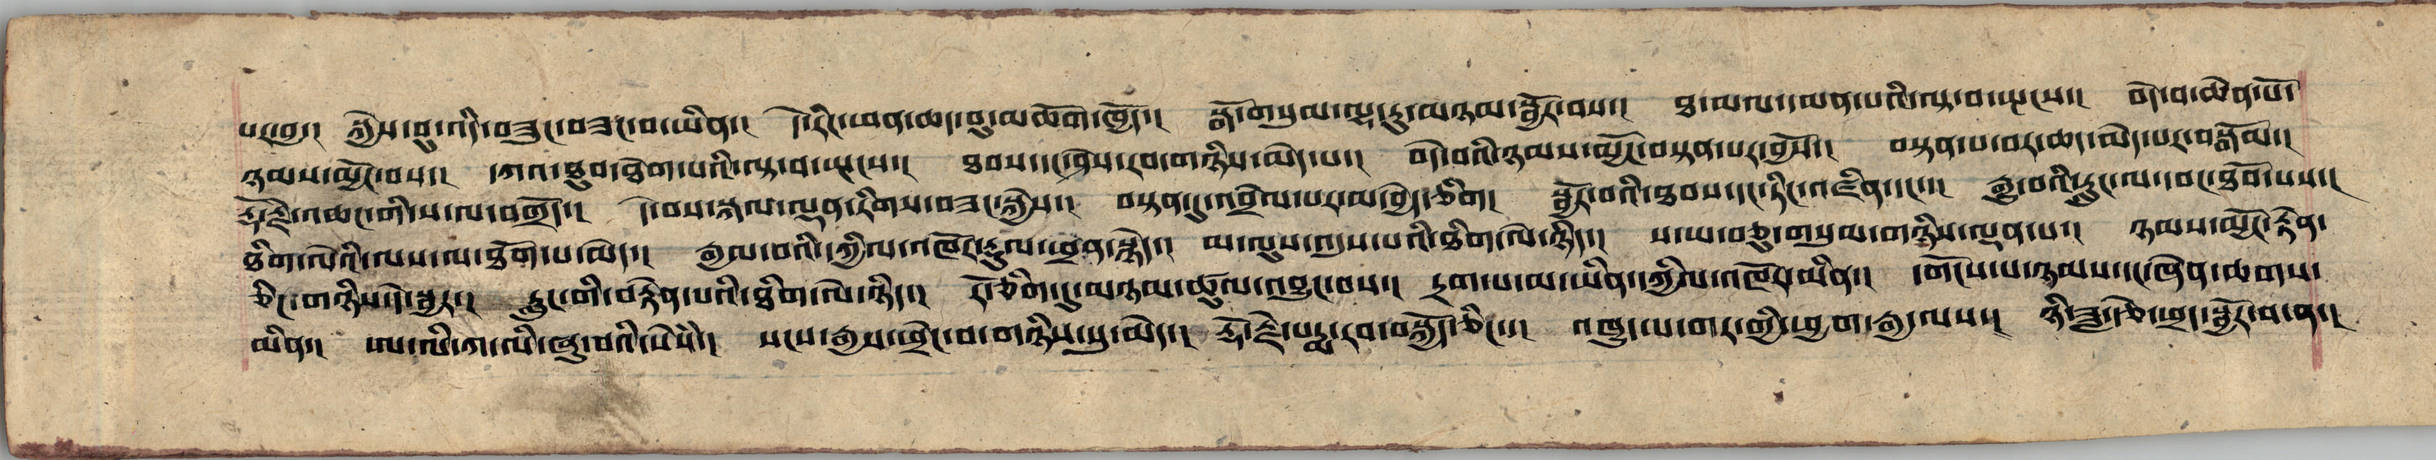པར་བྱ་། སྐྱེས་བུ་འདི་བཟུང་བཟང་བ་ཡིན་། དེ་རིང་ཕན་ཆད་བུ་མཆོག་ཁྱོད་། སྒོ་གསུམ་ལྷ་རུ་མཉམ་སྦྱོར་བས་། ཐ་མལ་དམན་པའི་ལྟ་བ་སྤངས་། བདེ་བ་ཆེན་པོ་
ཉམས་མྱོང་བས་། དཀའ་ཐུབ་ཐེག་པའི་ལྟ་བ་སྤངས་། ཐབས་དང་ཤེས་རབ་གཉིས་མེད་པ་། བདེ་བའི་ཉམས་མྱོང་བསྟན་པར་བྱསོ་། བསྟན་པ་བར་ཆད་མེད་པར་བསྒོམ་།
རྡོ་རྗེ་འཆང་གི་ས་ལ་བགྲོད་། དེ་བས་སྐལ་ལྡན་རིགས་བཟང་སྐྱེས་། བསྟན་དུ་འབྲེལ་པར་མ་བྱེད་ཅིག། སྦྱོར་བའི་ཐབས་དང་ཏིང་འཛིན་དང་་། རྒྱུ་བའི་རླུང་ལ་དབང་ཐོབ་པས་།
ཐིག་ལེའི་ལས་ལ་ཐོག་པ་མེད་། རྒྱལ་བའི་དཀྱིལ་འཁོར་རྡུལ་ཕྲན་སྙེད་། མ་ལུས་འདུས་པའི་ཐིག་ལེ་ཉིད་། ས་ཡ་བཅུ་གསུམ་གཉིས་ལྡན་པ་། ཉམས་མྱོང་རྟེན་
ཅིང་གཉིས་དེ་སྦྱར་། རླུང་གི་བརྟེན་པའི་ཐིག་ལེ་ཉིད་། རོ་ཅིག་དུ་མཉམ་ཚུལ་འབྱུང་བས་། དྲག་པ་མ་ཡིན་དཀྱིལ་འཁོར་ཡིན་། དགོངས་པ་ཉམས་དང་ཞེན་ཆགས་
མིན་། ཨ་ལི་ཀ་ལི་ཞུ་བའི་སེཾས་། སངས་རྒྱས་ཕྲེང་བ་གཉིས་སུ་མེད་། རྡོ་རྗེ་པདྨ་རབ་བསྐྱོད་ཅིང་་། འཁྱུད་པ་གར་གྱི་ཕྱག་རྒྱ་ལས་། ཉི་ཟླ་རྩེ་ཕྲད་སྦྱོར་བ་ན་།